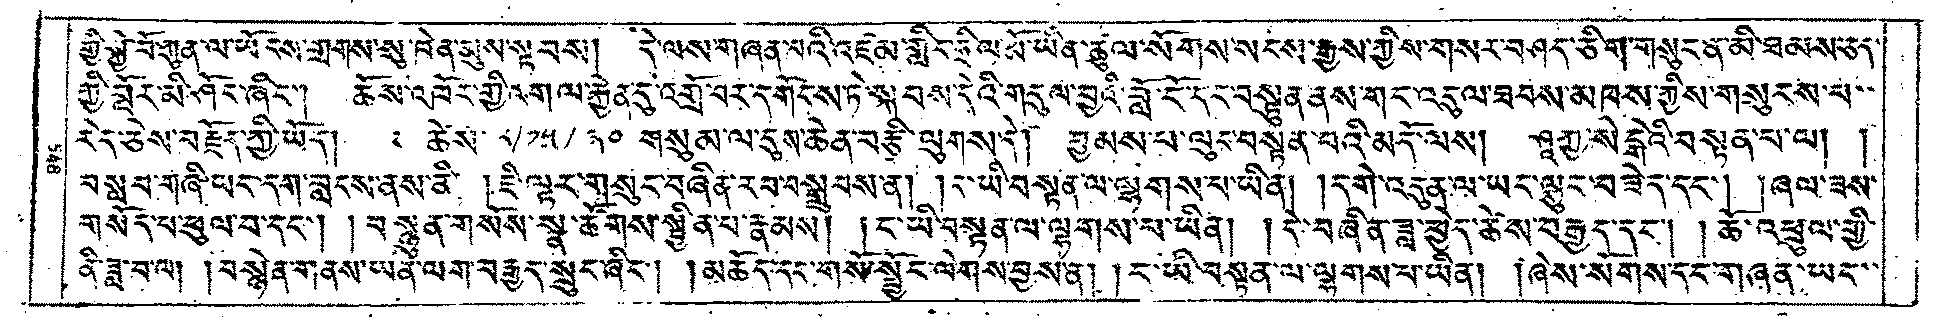གྱི་སྐྱེ་བོ་ཀུན་ལ་ཡོངས་གྲགས་སུ་ཁེན་མུས་སྟབས། དེ་ལས་གཞན་པའི་འཛམ་གླིང་ཧྲིལ་མོ་ཡིན་ཚུལ་སོགས་སངས་རྒྱས་ཀྱིས་གསར་བཤད་ཅིག་གསུང་ན་མི་ཐམས་ཅད་
ཀྱི་བློར་མི་ཤོང་ཞིང་། ཆོས་འཁོར་གྱི་འགལ་རྐྱེན་དུ་འགྲོ་བར་དགོངས་ཏེ་སྐབས་དེའི་གདུལ་བྱའི་བློ་ངོ་དང་བསྟུན་ནས་གང་འདུལ་ཐབས་མཁས་ཀྱིས་གསུངས་པ་རེད་ཅེས་བརྗོད་ཀྱི་ཡོད། ༈ ཚེས ༨༼༡༥༽༣༠་གསུམ་ལ་དུས་ཆེན་བརྩི་ལུགས་དེ། བྱམས་པ་ལུང་བསྟན་པའི་མདོ་ལས། ཤཱཀྱ་སེངྒེའི་བསྟན་པ་ལ། །
བསླབ་གཞི་ཡང་དག་བླངས་ནས་ནི། །ཇི་ལྟར་གསུང་བཞིན་རབ་བསྒྲུབས་ན། །ང་ཡི་བསྟན་ལ་ལྷགས་པ་ཡིན། །དགེ་འདུན་ལ་ཡང་ལྷུང་བཟེད་དང་། །ཞལ་ཟས་
གསོད་པ་ཕུལ་བ་དང་། །བསྙུན་གསོས་སྣ་ཚོགས་སྦྱིན་པ་རྣམས། །ང་ཡི་བསྟན་ལ་ལྷགས་པ་ཡིན། །དེ་བཞིན་ཟླ་ཕྱེད་ཚེས་བརྒྱད་དང་། །ཆོ་འཕྲུལ་གྱི་
ནི་ཟླ་བ་ལ། །བསྙེན་གནས་ཡན་ལག་བརྒྱད་སྲུང་ཞིང་། །མཆོད་དང་གསོ་སྦྱོང་ལེགས་བྱས་ན། །ང་ཡི་བསྟན་ལ་ལྷགས་པ་ཡིན། །ཞེས་སོགས་དང་གཞན་ཡང་